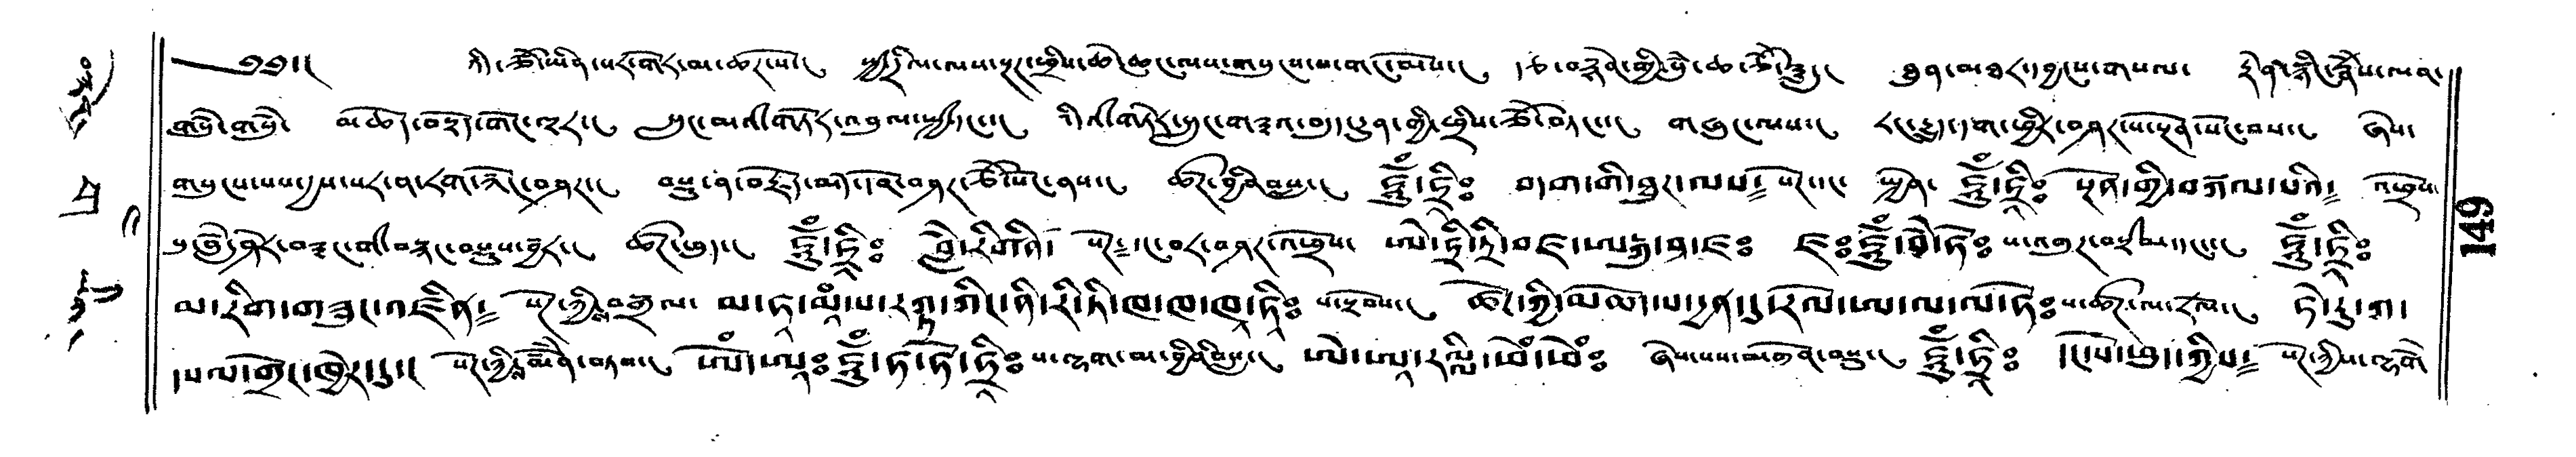འདི་ཙམ་ཡིན་པར་གོར་མ་ཆག་གོ སྤྱི་དྲིལ་ལས་སྔགས་ཕྲིས་ཆེ་ཆུང་ལས་གསུངས་པ་གང་མོས། རྩ་བསྙེན་གྱི་གསུམ་ཆ་ཙམ་ཟླ། ཐུན་མཐར་དབྱངས་གསལ། རྟེན་སྙིང་རྣམས་ལན་
གསུམ་གསུམ། མཆོད་བསྟོད་གོང་ལྟར། སྲུང་མའི་གཏོར་འབུལ་སྤྱི་དང་། འདིའི་གཏེར་སྲུང་གཟའ་བདུད་རྒྱུན་གྱི་ཕྲིན་ལས་ཙམ་བཏང་། གཞུང་ལས། རང་རྒྱུད་དག་ཕྱིར་བཤགས་པ་སྔོན་སོང་བས། །ཞེས་
གསུངས་པས་རྒྱས་པར་ན་རག་སྐོང་བཤགས། བསྡུ་ན་བརྗོད་མེད་དོན་བཤགས་ཙམ་སོང་ནས། ཚོགས་བྱིན་རླབས། ཧཱུྃ་ཧྲཱི༔ བདག་གི་ཐུགས་ལས་སོགས་དང་།སྤྱན་འདྲེན། ཧཱུྃ་ཧྲཱི༔ སྔོན་གྱི་བསྐལ་པའི་འཕྲོས་
སུ་བླ་མ་ཤེར་བཟང་གི་བསྐང་བསྡུས་སྦྱར། ཚོགས་ཕུད། ཧཱུྃ་ཧྲཱི༔ བླ་མ་རིག་འཛིན་སོགས་དང་བཤགས་འཕྲོས། ཨེ་ཧྲི་ཏྲི་བཛ་ཨངྐུ་ཤ་ཛ༔ ཛ༔ཧཱུྃ་བཾ་ཧོཿ ས་འགུགས་བསྟིམ་དང་། ཧཱུྃ་ཧྲཱི༔ 
མ་རིག་གཟུང་འཛིན། སོགས་ཀྱིས་བསྒྲལ། མ་ཧཱ་མཱཾ་ས་རཀྟ་ཀིང་ནི་རི་ཏི་ཁ་ཁ་ཁཱ་ཧཱིཿ ས་སྟོབས། ཚོགས་ཀྱི་མཆོད་པ་རྒྱན་དུ་རོལ་ཨ་ལ་ལ་ཧོ༔ ས་ཚོགས་ལ་རོལ། ཧེ་རུ་ཀ་
དཔལ་གྲོང་ཁྱེར་དུ་སོགས་ཀྱིས་སྨོན་ལམ་བཏབ། ཨོཾ་ཨཱ༔ཧཱུྃ་ཧ་ཧོ་ཧྲཱི༔ ས་ལྷག་མ་བྱིན་གྱི་བརླབ། ཨེ་ཨཱ་རལླི་ཕེཾ་ཕེཾ༔ ཞེས་པས་མགྲོན་བསུ། ཧཱུྃ་ཧྲཱི༔ དང་པོ་ཕུད་ཀྱིས་སོགས་ཀྱིས་ལྷག་མ་